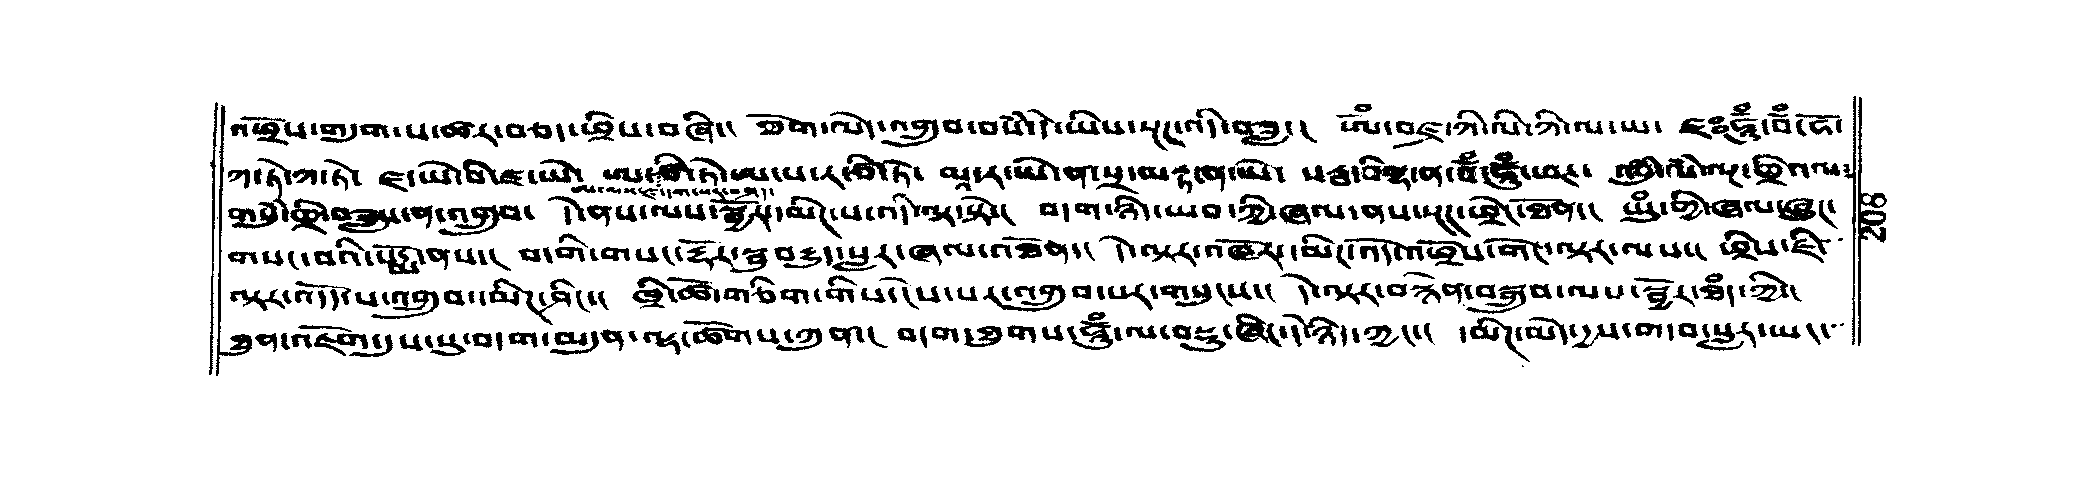འཕྲོས་གདུག་པ་ཚར་བཅད་ཕྲིན་ལས་བཞི། ཐོག་མེད་འགྲུབ་བསམ་དེ་ཡིས་སྔགས་འདི་བཟླ། ཨོཾ་བཛྲ་ཀི་ལི་ཀི་ལ་ཡ། ཛཿཧཱུྃ་བྃ་ཧོ་
ཀ་ཏེ་ཀ་ཏེ། ཛ་ཡེ་བི་ཛ་ཡེ། ཨ་ཙི་{ ཨ་ལས་ཛ་དག་པར་བཤད། }ཏེ་ཨ་པ་ར་ཙི་ཏོ། མཱ་ར་ཡེ་ན་པྲ་མ་རྟ་ན་ཡེ། སརྦ་བིགྷ་ན་བྃ་ཧཱུྃ་ཕཊ། འབུམ་མམ་ཁྲིའམ་
གསུམ་ཁྲི་བསྒྲུས་ནས་འགྲུབ། དེ་ནས་ལས་སྦྱོར་དམིགས་པ་འདི་ལྟ་སྟེ། བདག་ཉིད་ཡབ་ཀྱི་ཞལ་ནས་སྔགས་ཕྲེང་ཐོན། ཡུམ་གྱི་ཞལ་ཞུགས་
གསང་བའི་པདྨོ་ནས། བདག་གི་གསང་རྡོར་སྦུབ་བརྒྱུད་སླར་ཞལ་འཐོན། དེ་ལྟར་འཁོར་དམིགས་འོད་འཕྲོས་གོང་ལྟར་ལས། ཕྲིན་ལས་ཇི་
ལྟར་འདོད་པ་འགྲུབ་དམིགས་ཤིང་། ཁྲི་ཚོད་གཅིག་གིས་ངེས་པར་འགྲུབ་པར་གསུངས། དེ་ལྟར་བསྙེན་བསྒྲུབ་ལས་སྦྱོར་ཐམས་ཅད་ཀྱི། 
ཐུན་འཇོག་དུས་སུ་བདག་མདུན་ལྷ་ཚོགས་ཀུན། བདག་ཐུགས་ཧཱུྃ་ལ་བསྡུ་ཞིང་དེ་ཉིད་ཀྱང་། དམིགས་མེད་རྒྱས་གདབ་སླར་ཡང་